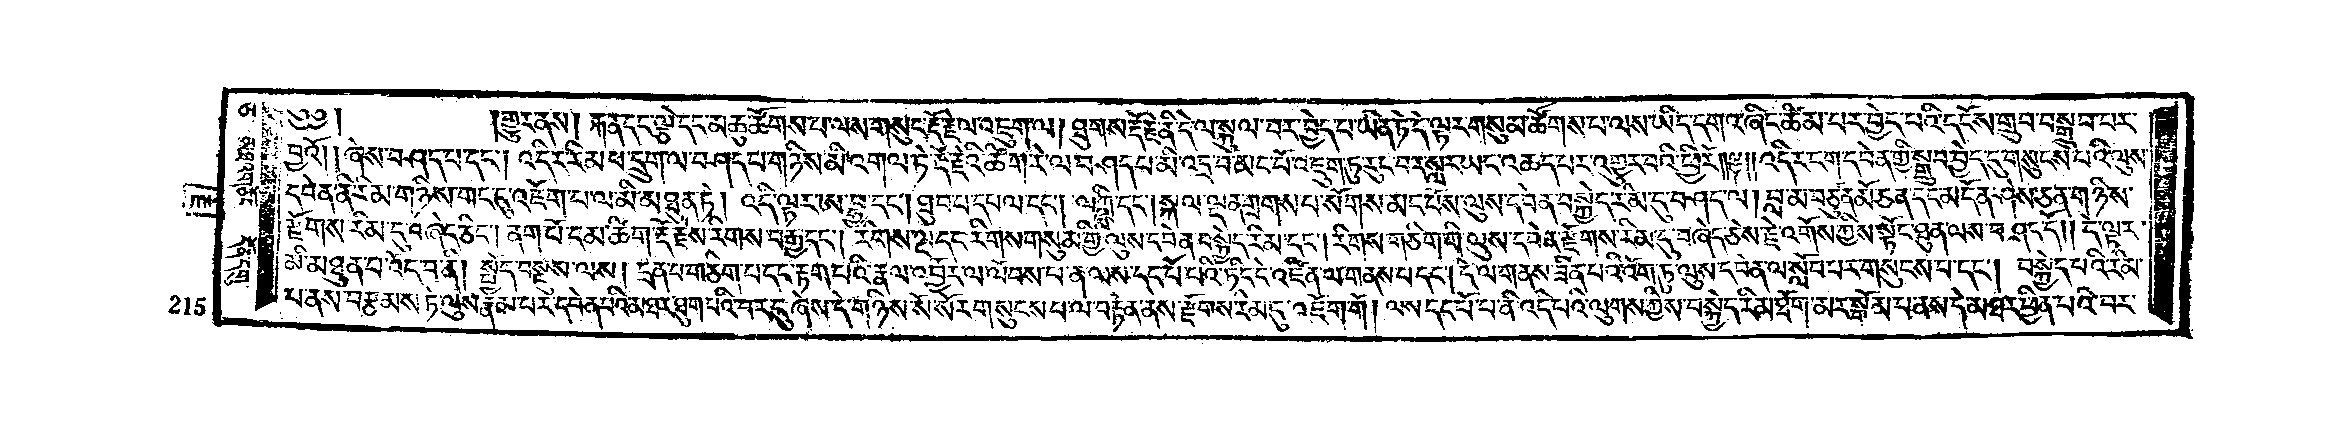༄༅། །གྱུར་ནས། རྐན་དང་ལྕེ་དང་མཆུ་ཚོགས་པ་ལས་གསུང་རྡོ་རྗེ་ལ་འཇུག་ལ། ཐུགས་རྡོ་རྗེ་ནི་དེ་ལ་སྐུལ་བར་བྱེད་པ་ཡིན་ཏེ་དེ་ལྟར་གསུམ་ཚོགས་པ་ལས་ཡིད་དགའ་ཞིང་ཚིམ་པར་བྱེད་པའི་དངོས་གྲུབ་བསྒྲུབ་པར་
བྱའོ། །ཞེས་བཤད་པ་དང་། འདིར་རིམ་པ་དྲུག་ལ་བཤད་པ་གཉིས་མི་འགལ་ཏེ་རྡོ་རྗེའི་ཚིག་རེ་ལ་བཤད་པ་མི་འདྲ་བ་མང་པོ་འཇུག་ཏུ་རུང་བར་སླར་ཡང་འཆད་པར་འགྱུར་བའི་ཕྱིར་རོ།། ༈ །།འདིར་ངག་དབེན་གྱི་སྒྲུབ་བྱེད་དུ་གསུངས་པའི་ལུས་
དབེན་ནི་རིམ་གཉིས་གང་དུ་འཇོག་པ་ལ་མི་མཐུན་ཏེ། འདི་ལྟར་ཨ་བྷྱ་དང་། ཐུབ་པ་དཔལ་དང་། ལཀྵྨི་དང་། སྐལ་ལྡན་གྲགས་པ་སོགས་མང་པོས་ལུས་དབེན་བསྐྱེད་རིམ་དུ་བཤད་ལ། བླ་མ་བཙུན་མོ་ཅན་དང་མངོན་ཤེས་ཅན་གཉིས་
རྫོགས་རིམ་དུ་བཞེད་ཅིང་། ནག་པོ་དམ་ཚིག་རྡོ་རྗེས་རིགས་བརྒྱ་དང་། རིགས་ལྔ་དང་རིགས་གསུམ་གྱི་ལུས་དབེན་བསྐྱེད་རིམ་དང་། རིགས་གཅིག་གི་ལུས་དབེན་རྫོགས་རིམ་དུ་བཞེད་ཅེས་རྗེ་འགོས་ཀྱིས་སྟོང་ཐུན་ལས་བཤད་དོ། །དེ་ལྟར་
མི་མཐུན་པ་འོང་བ་ནི། སྤྱོད་བསྡུས་ལས། དྲན་པ་གཅིག་པ་དང་རྟག་པའི་རྣལ་འབྱོར་ལ་ལོབས་པ་ན་ལས་དང་པོ་པའི་ཏིང་ངེ་འཛིན་ལ་གནས་པ་དང་། དེ་ལ་གནས་ཟིན་པའི་འོག་ཏུ་ལུས་དབེན་ལ་སློབ་པར་གསུངས་པ་དང་། བསྐྱེད་པའི་རིམ་
པ་ནས་བརྩམས་ཏེ་ལུས་རྣམ་པར་དབེན་པའི་མཐར་ཐུག་པའི་བར་དུ་ཞེས་དེ་གཉིས་སོ་སོར་གསུངས་པ་ལ་བརྟེན་ནས་རྫོགས་རིམ་དུ་འཇོག་གོ །ལས་དང་པོ་པ་ནི་འདི་པའི་ལུགས་ཀྱིས་བསྐྱེད་རིམ་ཐོག་མར་སྒོམ་པ་ནས་དེ་མཐར་ཕྱིན་པའི་བར་